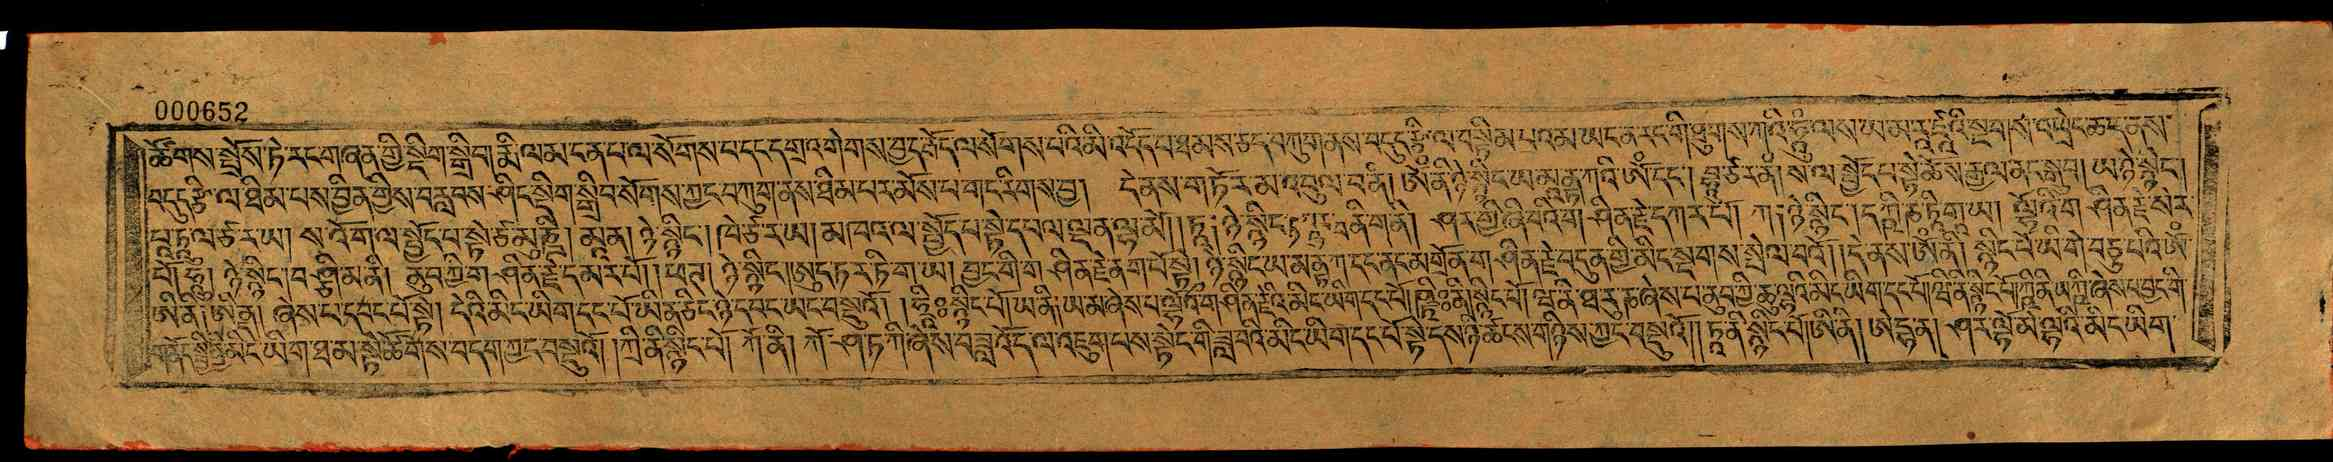ཚོགས་སྤྲོས་ཏེ་རང་གཞན་གྱི་སྡིག་སྒྲིབ། རྨི་ལམ་ངན་པ་ལ་སོགས་པ་དང་དགྲ་བགེགས་བྱད་རྦོད་ལ་སོགས་པའི་མི་འདོད་པ་ཐམས་ཅད་བཀུག་ནས་བདུད་རྩི་ལ་བསྟིམ་པའམ་ཡང་ན་རང་གི་ཐུགས་ཀའི་ཧཱུཾ་ལས་ཡ་མ་རཱ་ཛཱའི་སྔགས་འཕྲེང་ཆད་ནས་
བདུད་རྩི་ལ་ཐིམ་པས་བྱིན་གྱིས་བརླབས་ཤིང་སྡིག་སྒྲིབ་སོགས་ཀྱང་བཀུག་ནས་ཐིམ་པར་མོས་པ་གང་རིགས་བྱ། དེ་ནས་གཏོར་མ་འབུལ་བ་ནི། ཨོཾ་ནི་ཉེ་སྙིང་ཡ་མཱནྟ་ཀའི་ཨོཾ་དང་། བྷཱུ་ཙ་ར་ནཾ། ས་ལ་སྤྱོད་པ་སྟེ་ཆོས་རྒྱལ་ནང་སྒྲུབ། ཡ་ཉེ་སྙིང་
པཱ་ཏཱ་ལ་ཙ་ར་ཡ། ས་འོག་ལ་སྤྱོད་པ་སྟེ་ཙ་མུ་ཎྜི། མཱན༑ ཉེ་སྙིང་། ཁེ་ཙ་ར་ཡ། མཁའ་ལ་སྤྱོད་པ་སྟེ་དཔལ་ལྡན་ལྷ་མོ། །ཏཱ༑ ཉེ་སྙིང་། པཱུརྦ་ནི་གཱ་ནཾ། ཤར་གྱི་ཞི་བའི་གཤིན་རྗེ་དཀར་པོ། ཀ༑ ཉེ་སྙིང་། དཀྵི་ཎ་དཱི་གཱ་ཡ། ལྷོའི་གཤིན་རྗེ་སེར་
པོ༑ ཧཱུཾ༑ ཉེ་སྙིང་། པཤྩི་མ་ནི། ནུབ་ཀྱི་གཤིན་རྗེ་དམར་པོ། །ཕཊ༑ ཉེ་སྙིང་། ཨུད་ཏ་ར་ཏི་གཱ་ཡ། བྱང་གི་གཤིན་རྗེ་ནག་པོ་སྟེ། ཉེ་སྙིང་ཡ་མཱ་ནྟ་ཀ་དང་ནང་མགྲོན་གཤིན་རྗེ་བདུན་གྱི་མིང་སྔགས་སྤེལ་བའོ། །དེ་ནས་ཨོཾ་ནི། སྙིང་པོ་ཡི་གེ་བཅུ་པའི་ཨོཾ་
ཨི་ནི༑ ཨིནྡྲ༑ ཞེས་པ་དབང་པོ་སྟེ། དེའི་མིང་ཡིག་དང་པོ་ཡིན་ཅིང་ཉེ་དབང་ཡང་བསྡུའོ། །ཧྲཱིཿ སྙིང་པོ། ཡ་ནི༑ ཡ་མ་ཞེས་པ་ལྷོའི་གཤིན་རྗེའི་མིང་ཡིག་དང་པོ། ཥྚྲྚིཿ ནི། སྙིང་པོ། ཝ་ནི་ཝ་རུ་ཎ་ཞེས་པ་ནུབ་ཀྱི་ཆུ་ལྷའི་མིང་ཡིག་དང་པོ། ཝི་ནི་སྙིང་པོ། ཀྵི་ནི་ཡ་ཀྵི་ཞེས་པ་བྱང་གི་
གནོང་སྦྱི་ཉི་མིང་ཡིག་ཐ་མ་སྟེ་ཚོགས་བདག་ཀྱང་བསྡུའོ། །ཀྲི་ནི་སྙིང་པོ། ཀོ་ནི༑ ཀོ་ཤ་ཏ་ཀི་ཞེས་པ་ཟླ་འོད་ལ་འཇུག་པས་སྟེང་གི་ཟླ་བའི་མིང་ཡིག་དང་པོ་སྟེ་དེས་ཉི་ཚངས་གཉིས་ཀྱང་བསྡུའོ། །ཏཱ་ནི་སྙིང་པོ། ཨེ་ནི༑ ཨེ་དྷ་ན༑ ཤར་ལྷོ་མེ་ལྷའི་མིང་ཡིག་